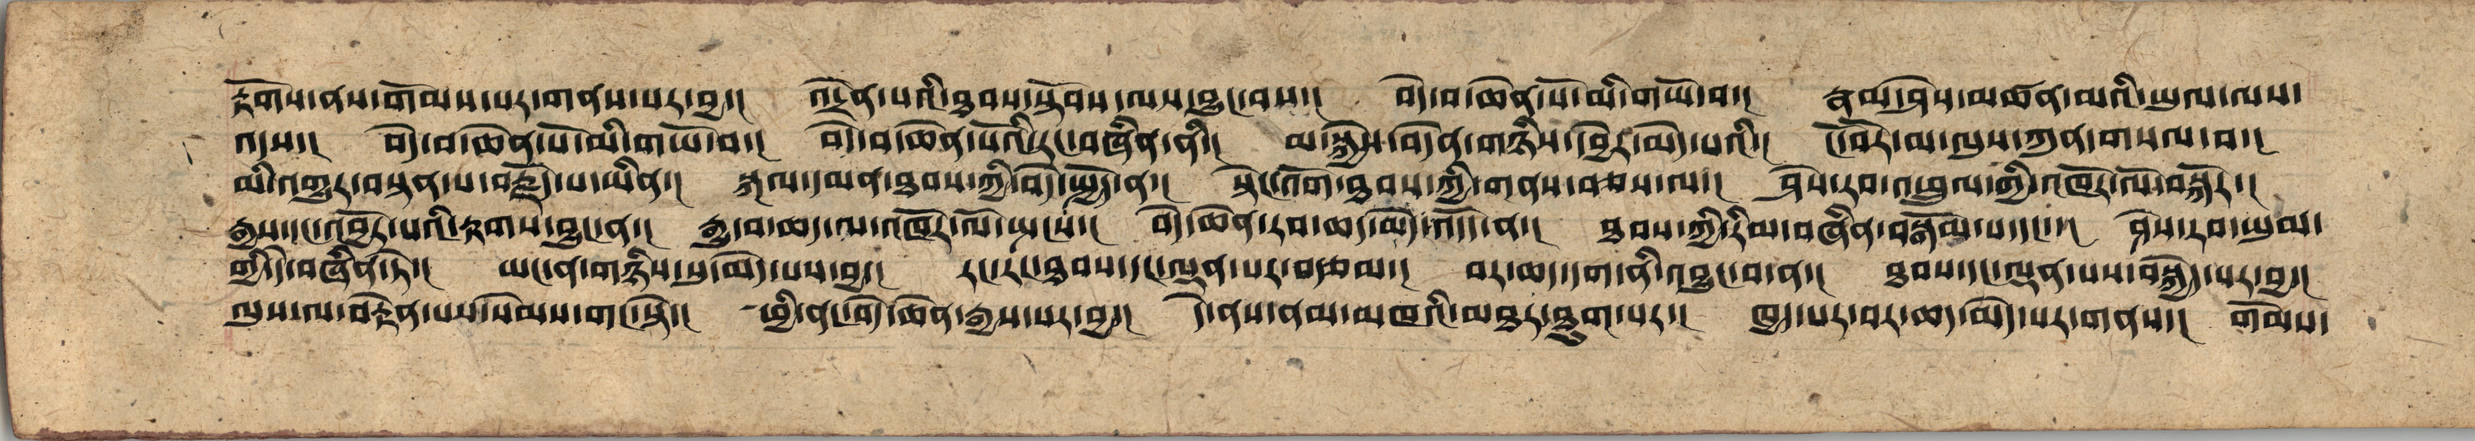རྟོགས་ནས་གོམས་པར་གནས་པར་བྱ་། འདྲེན་པའི་ཐབས་སྟོབས་ལས་བྱུང་བས་། བདེ་བ་ཆེན་པོ་མི་གཡོ་བ་། རྣམ་ཤེས་མཚན་མའི་ཡུལ་ལས་
འདས་། བདེ་བ་ཆེན་པོ་མི་གཡོ་བ་། བདེ་བ་ཆེན་པོའི་རང་བཞིན་ནི་། མ་སྐྱེས་བདེན་གཉིས་དབྱེར་མེད་པའི་། ངོ་བོར་མ་ལུས་ཀུན་གསལ་བ་།
མི་འགྱུར་བསྟན་པ་བརྗོད་པ་ཡིན་། སྐལ་དམན་ཐབས་ཀྱི་བདེ་སྤྱོད་ན་། སྟེང་འོག་ཐབས་ཀྱི་གནས་བཅས་ལ་། ཤེས་རབ་འཕྲུལ་གྱི་འཁོར་ལོ་བསྐོར་།
རྒྱས་དང་འབྱོར་པའི་རྟགས་བྱུང་ན། རྒྱུ་བ་ཆད་ལ་འཁོར་ལོ་སྤངས་། བདེ་ཆེན་རབ་ཆད་མེད་འདོད་ན་། ཐབས་ཀྱི་རིམ་བཞིན་བསྒོམ་པ་དང་་། ཤེས་རབ་ཡུམ་
གྱི་དེ་བཞིན་ཏེ་། ཡང་ན་གཉིས་སུ་མེད་པར་བྱ་། རང་རང་ཐབས་དང་ལྡན་པར་བརྩམ་། བར་ཆད་དག་ནི་འབྱུང་བ་ན་། ཐབས་དང་ལྡན་པས་བསྐྱེད་པར་བྱ་།
ལུས་ལ་བརྟེན་པས་སེམས་གང་སྟེ་། ཕྱི་ནང་བདེ་ཆེན་རྒྱས་པར་བྱ་། དེ་ནས་ནམ་མཁའི་མཐར་ཐུག་པར་། ཁྱད་པར་བར་ཆད་མེད་པར་གནས་། གོམས་